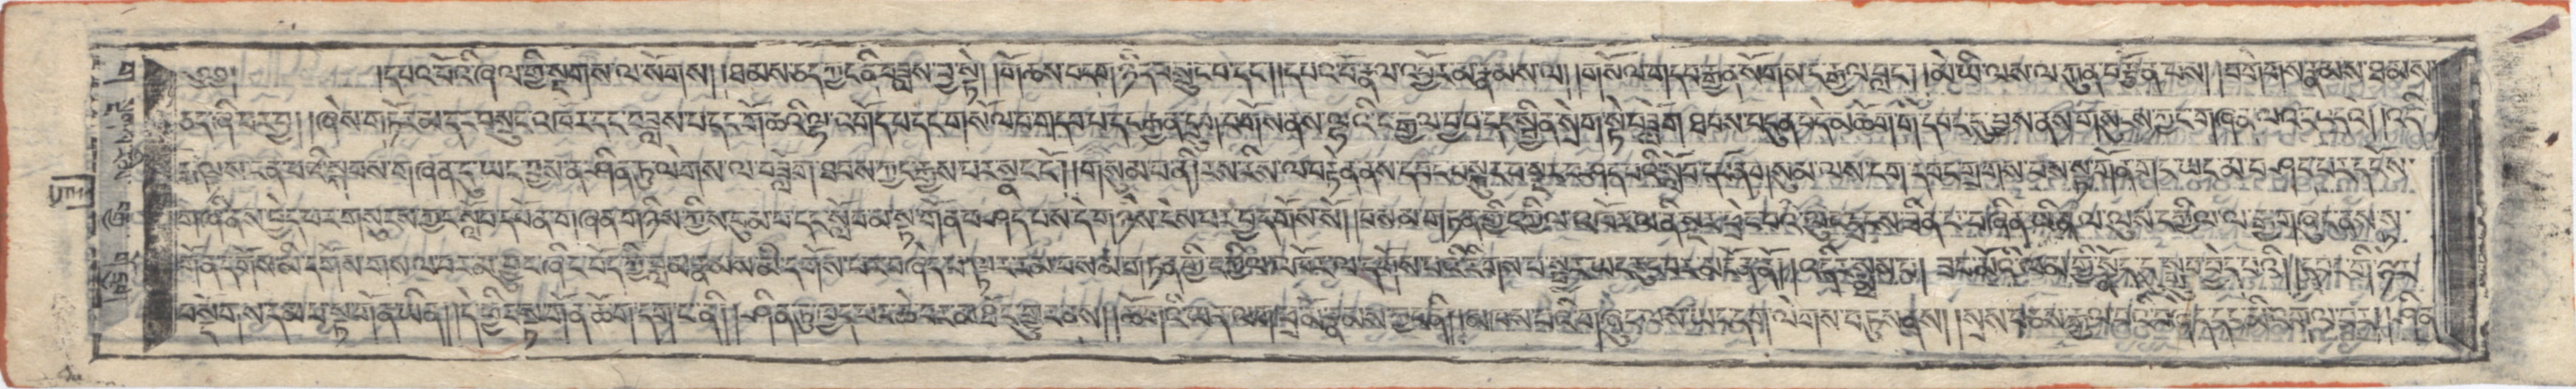༄༅། །དཔའ་བོའི་ཞལ་གྱི་སྔགས་ལ་སོགས། །ཐམས་ཅད་ཀྱང་ནི་བཟླས་བྱ་སྟེ། །གོ་ཆས་བདག་ཉིད་བསྲུང་བ་དང་། །དཔའ་བོ་རྣལ་འབྱོར་མ་རྣམས་ལ། །གསོལ་གདབ་རྒྱན་སོགས་ང་རྒྱལ་བླང་། །མེ་ཡི་ལས་ལ་ཀུན་བརྩོན་པས། །བགེགས་རྣམས་ཐམས་
ཅད་ཞི་བར་བྱ། །ཞེས་གཏོར་མ་དང་བསྲུང་འཁོར་དང་བཟླས་པ་དང་གོ་ཆའི་ལྷ་འགོད་པ་དང་གསོལ་བ་གདབ་པ་དང་རྒྱན་དྲུག་བགོས་ནས་ལྷའི་ང་རྒྱལ་བྱ་བ་དང་སྦྱིན་སྲེག་སྟེ་བཟློག་ཐབས་བདུན་བདེ་མཆོག་གི་དབང་དུ་བྱས་ནས་གསུངས་ཀྱང་གཞན་ལའང་འདྲའོ། །འདི་
རྨ་ལྟས་ངན་པའི་སྐབས་གཞན་དུ་ཡང་བྱས་ན་ཤིན་ཏུ་ལེགས་ལ་བཟློག་ཐབས་ཀྱང་རྒྱས་པར་སྣང་ངོ། །གསུམ་པ་ནི། རས་རིས་ལ་བརྟེན་ནས་དབང་བསྐུར་བ་སྔར་བཤད་པའི་སློབ་དཔོན་གསུམ་ལས་ངག་དབང་གྲགས་པས་སྟ་གོན་གང་ཡང་མ་བཤད་པར་དངོས་
གཞི་ནས་བྱེད་པར་གསུངས་ཀྱང་སློབ་དཔོན་གཞན་གཉིས་ཀྱིས་བུམ་པ་དང་སློབ་མ་སྟ་གོན་བཤད་པས་དེ་གཉིས་ངེས་པར་བྱ་དགོས་སོ། །བསམ་གཏན་གྱི་དཀྱིལ་འཁོར་ལ་ནི་སྔར་ཕྲེང་བའི་ལུང་དྲངས་ཟིན་པ་བཞིན་ཡིན་ལ་ལུས་དཀྱིལ་ལ་རྒྱ་གཞུང་ནས་སྟ་
གོན་དགོས་མི་དགོས་གསལ་བར་མ་བྱུང་ཞིང་བོད་ཀྱི་བླ་མ་རྣམས་མི་དགོས་པར་བཞེད་པ་ལྟར་རམ་བསམ་གཏན་གྱི་དཀྱིལ་འཁོར་ལ་དགོས་པའི་རིགས་པ་སྦྱར་ཡང་རུང་བར་མངོན་ནོ། །འདིར་སྨྲས་པ། ཟབ་མོའི་ལམ་གྱི་སྣོད་དུ་སྒྲུབ་བྱེད་པའི། །དབང་གི་ཉེར་
བསྡོགས་དམ་པ་སྟ་གོན་ཡིན། །དེ་ཕྱིར་སྟ་གོན་ཆོ་ག་དག་པ་ནི། །ཤིན་ཏུ་ཁྱད་པར་ཆེ་བར་མཐོང་གྱུར་ནས། །ཆོ་གའི་ཡན་ལག་ཕྲ་མོ་རྣམས་ཀྱང་ནི། །མཁས་པའི་གཞུང་ལས་ཡང་དག་ལེགས་བཏུས་ནས། །སྲས་བཅས་རྒྱལ་བའི་བཞེད་དང་མི་འགལ་བར། །ཤིན་